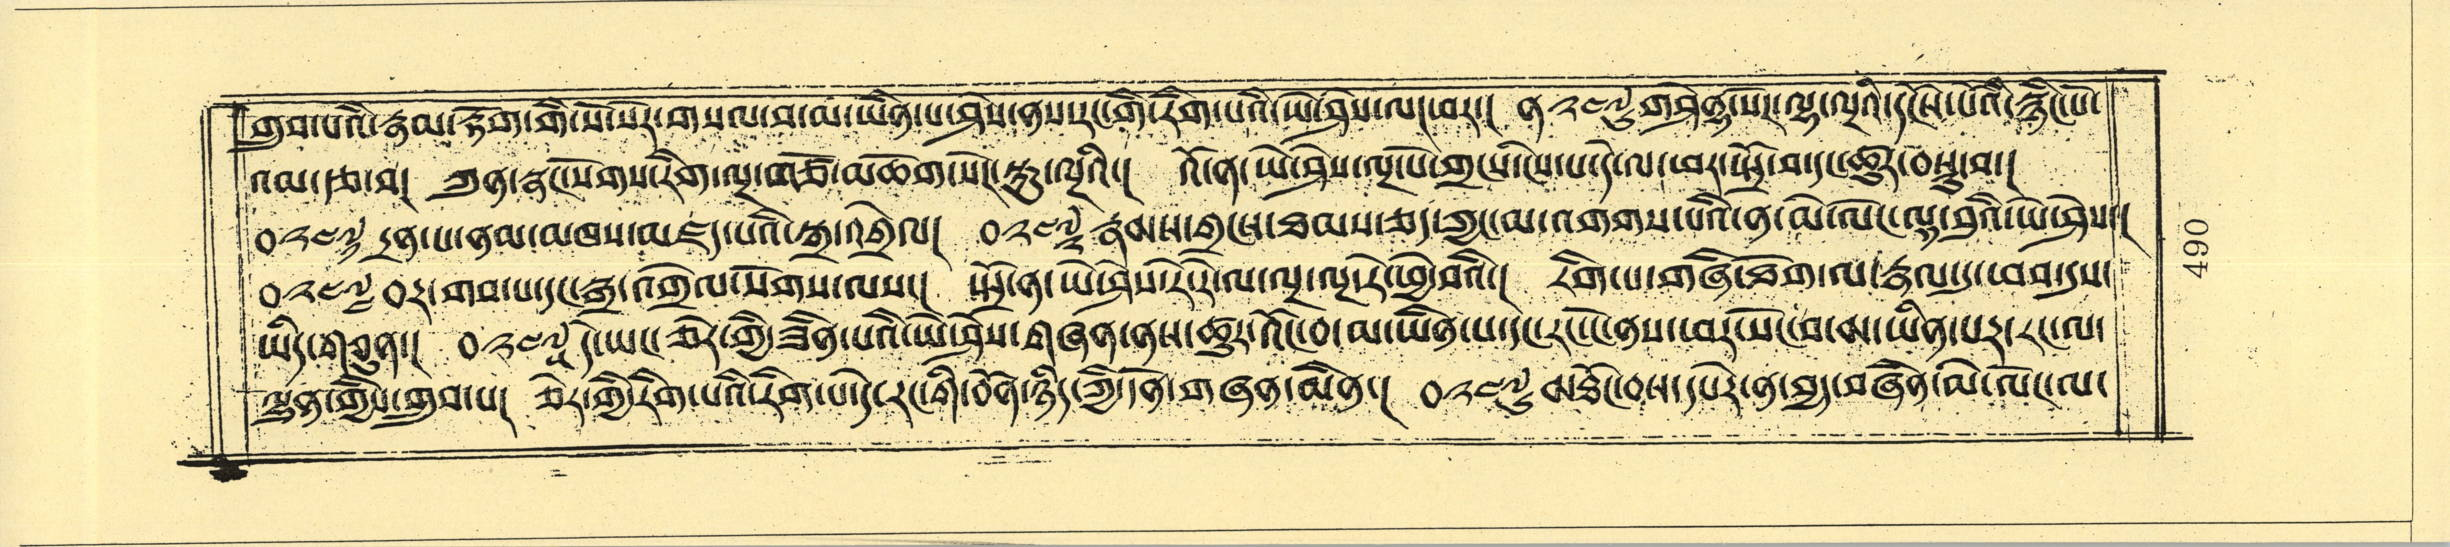གྲུབ་པའི་རྣམ་རྟོག་གིས་སོ་སོར་གསལ་བ་མ་ཡིན་པ་ཤེས་ནས་རང་གི་རིག་པའི་ཡེ་ཤེས་ལ་ཕར་ན༢༤༧།༦ གཤེན་ལྷ་སོགས་༼ལྷ་ལྔའི་དངོས་པོའི༽སྙིང་པོ
འམ་རྩ་བ་ཀུན་སྣང་སོགས་རིགས་ལྔ་གཙོ་མཆོག་སོགས་༼སྐུ་ལྔའི༽༼འོ་ན༽ཡེ་ཤེས་ལྔ་པོ་གྲངས་ངེས་པ་དེ་ལ་ཕར་༼སྤྲོ་༽བ་དང་ཚུར་༼བསྡུ༽བ་
བ༢༤༧།༡དྲན་པ་ནམ་མཁས་མཛད་པའི་༼སྒྲ་འགྲེལ༽བ༢༤༧།༢༼རྣམ་གྲངས༽ཐམས་ཅད་ཀྱང་མ་འགག་པས་ན་མེ་ལོང་ལྟ་བུའི་ཡེ་ཤེས་
བ༢༤༧།༤༼བར༽གབ་པ་དང་སྒྲ་འགྲེལ་སོགས་ལས་༼སྤྲོ་ན༽ཡེ་ཤེས་རེ་རེ་ལ་ལྔ་ལྔ་སོགས་ཕྱེ་བའི་རིག་པ་གཞི་ཐོག་ལ་རྣལ་དུ་བབ་དུས་
ཡིད་གཅུན་ བ༢༤༧།༥ ༼དེ་ཡང༽ཅེར་གྱིས་ཟིན་པའི་ཡེ་ཤེས་༼གཞན་ནས༽ཚུར་༼འོང་༽བ་མ་ཡིན་པ་དང་རང་ངོ་ནས་ཕར་སོང་བ་མ་ཡིན་པར་རང་ལ་
ལྷུན་གྱིས་གྲུབ་པ་ཅེར་གྱིས་རིག་པའི་རིག་པ་དེ་༼རང་གི་བོན་ཉིད་ཀྱི༽དོན་གཞན་མིན་བ༢༤༧།༦༼མཐོང་བས༽དཔེར་ན་བྱད་བཞིན་མེ་ལོང་ལ་